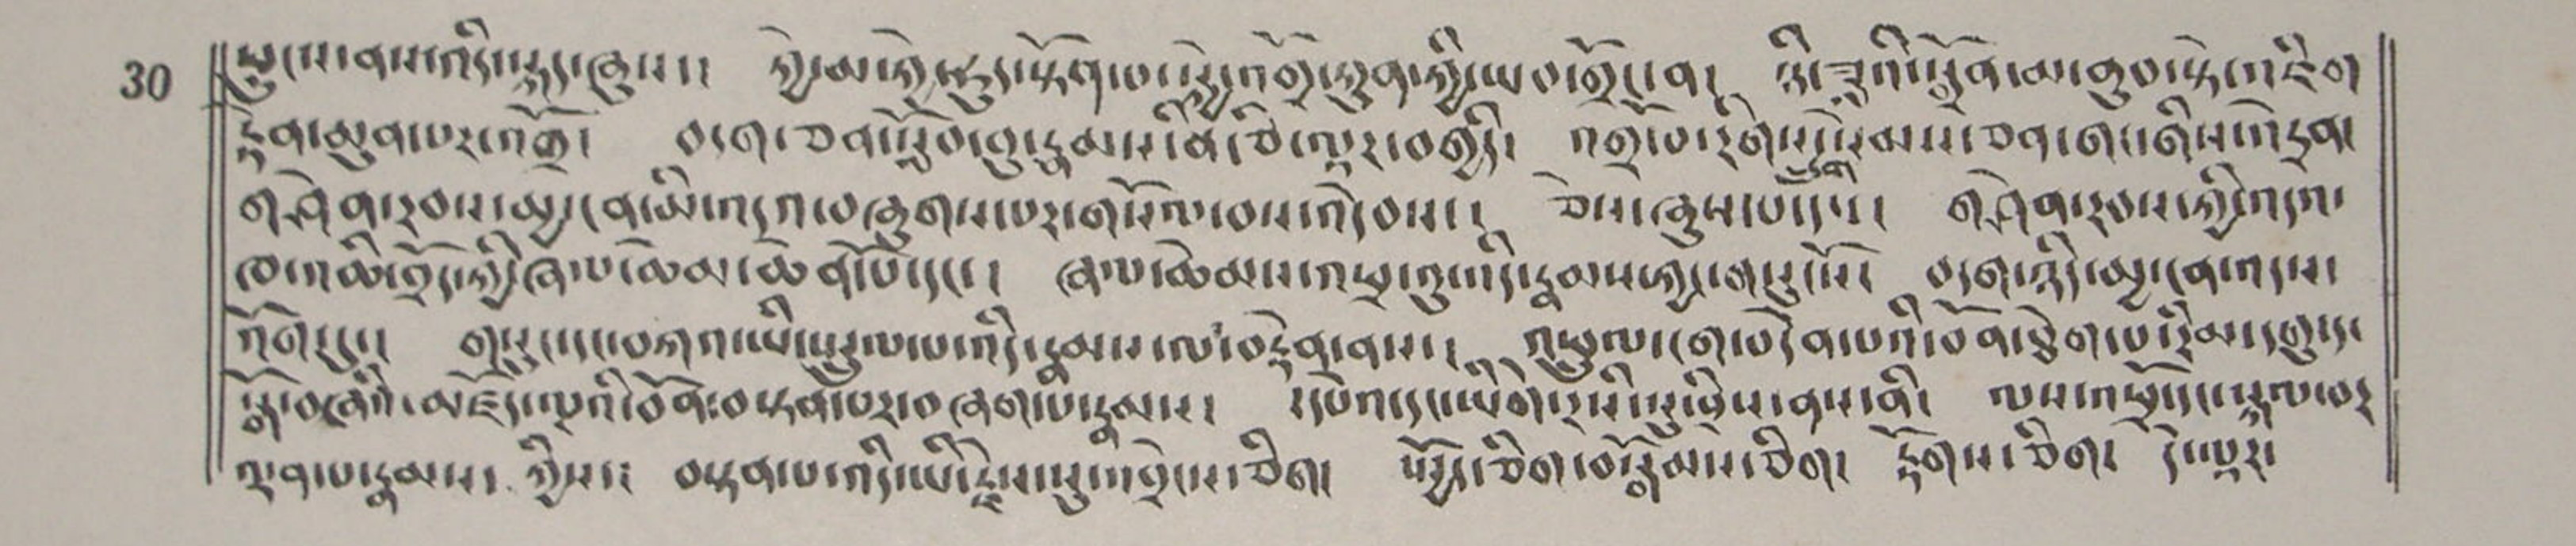ཕྱུངས་ནས་འདི་སྐད་ཞུས། ཀྱེ་མ་ཀྱེ་ཧུད་སྟོན་པ་སྐྱེ་འགྲོ་ཀུན་ཀྱི་ཡབ་གྲོངས་ནས། ཉི་ཟླའི་སྒྲོན་མ་ནུབ་སྟེ་འཇིག་
རྟེན་མུན་པར་འགྲོ། བདག་ཅག་སློབ་བུ་རྣམས་ནི་ཇི་ལྟར་བགྱིད། འགྲོ་བ་རིགས་དྲུག་སེམས་ཅན་གང་གིས་འདྲེན།
 གཤེན་རབ་མྱ་ངན་མི་འདའ་བཞུགས་པར་གསོལ་བ་འདེབས། ཅེས་ཞུས་པ་དང་། གཤེན་རབ་ཀྱི་འདའ་
ཁ་འཆི་བྲོད་ཀྱི་ཞལ་ཆེམས་ཆེན་པོ་དང་། ཞལ་ཆེམས་འཕྲ་འུ་འདི་རྣམས་ཀྱང་གསུངས་སོ། །བདག་ཉིད་མྱ་ངན་འདས་
འོག་ཏུ། གསུང་དང་བཀའི་སྤྲུལ་བ་འདི་རྣམས་ལ་བརྟེན་ནས། འཕྲུལ་ངག་བདེན་པའི་བོན་ཐེག་པ་རིམ་དགུ་དང་། 
སྒོ་བཞི་མཛོད་ལྔའི་བོན་བསྟན་པར་བཞག་པ་རྣམས། དཔེ་དང་ཡི་གེ་རིས་སུ་བྲིས་ནས་ནི། ལས་འཕྲོ་དང་སྐལ་བ་
ལྡན་པ་རྣམས་ཀྱིས། བསྟན་པ་འདིའི་རྗེས་སུ་འབྲེངས་ཅིག སྤྱོད་ཅིག་སྒོམས་ཅིག རྟོགས་ཅིག དེ་ལྟར་